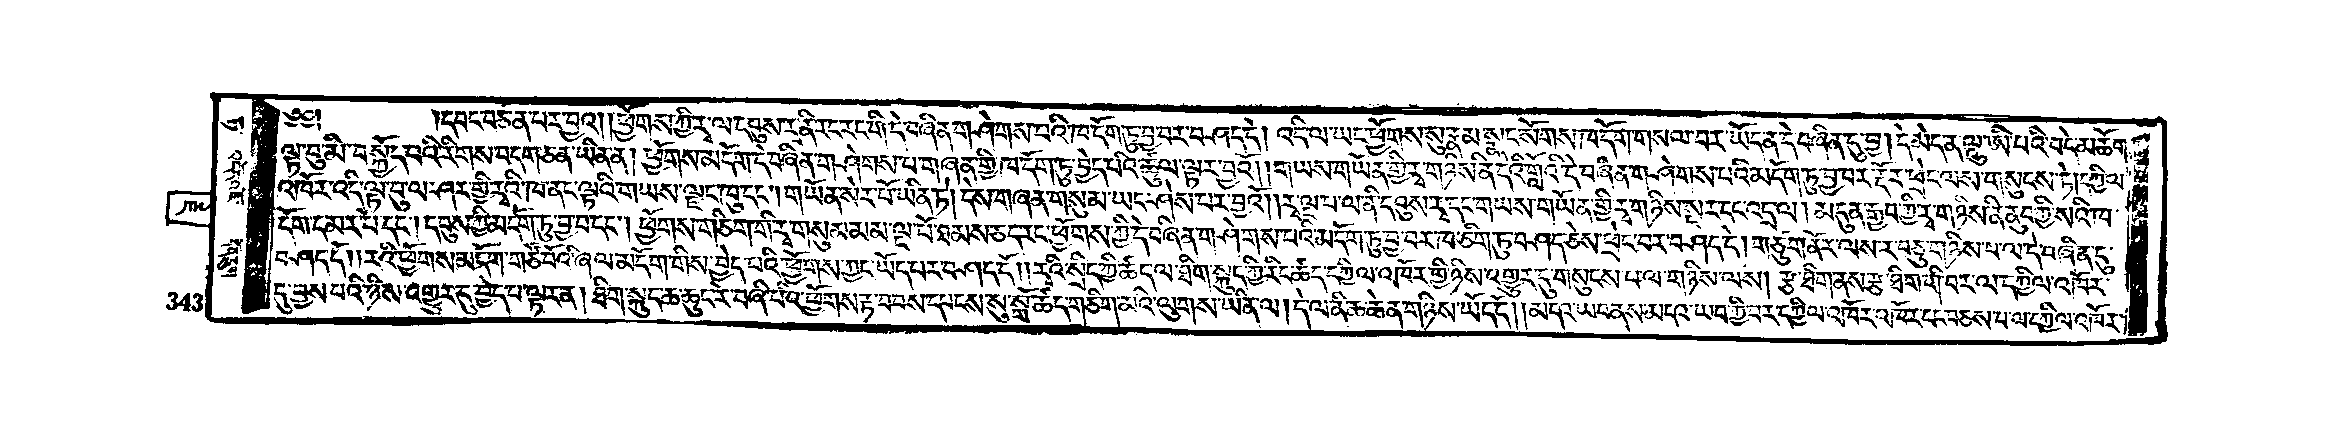༄༅། །དབང་བཙན་པར་བྱའི། །ཕྱོགས་ཀྱི་རྭ་ལ་དབུས་རྭ་ནི་རང་རང་གི་དེ་བཞིན་གཤེགས་པའི་ཁ་དོག་ཏུ་བྱ་བར་བཤད་དེ། འདི་ལ་ཡང་ཕྱོགས་སུ་རྣམ་སྣང་སོགས་ཁ་དོག་གསལ་བར་ཡོད་ན་དེ་བཞིན་དུ་བྱ། དེ་མེད་ན་ལཱུ་ཨི་པའི་བདེ་མཆོག་
ལྟ་བུ་མི་བསྐྱོད་པའི་རིགས་བདག་ཅན་ཡིན་ན། ཕྱོགས་མདོག་དེ་བཞིན་གཤེགས་པ་གཞན་གྱི་ཁ་དོག་ཏུ་བྱེད་པའི་ཚུལ་ལྟར་བྱའོ། །གྱས་གྱོན་གྱི་རྭ་གཉིས་ནི་དེའི་གློའི་དེ་བཞིན་གཤེགས་པའི་མདོག་ཏུ་བྱ་བར་རྡོར་ཕྲེང་ལས་གསུངས་ཏེ། དཀྱིལ་
འཁོར་འདི་ལྟ་བུ་ལ་ཤར་གྱི་རྭའི་ཁ་ནང་ལྟའི་གྱས་ལྗང་ཁུ་དང་། གྱོན་སེར་པོ་ཡིན་ཏེ། དེས་གཞན་གསུམ་ཡང་ཤེས་པར་བྱའོ། །རྭ་ལྔ་པ་ལ་ནི་དབུས་རྭ་དང་གྱས་གྱོན་གྱི་རྭ་གཉིས་སྔར་དང་འདྲ་ལ། མདུན་རྒྱབ་ཀྱི་རྭ་གཉིས་ནི་ནུབ་ཀྱི་སའི་ཁ་
དོག་དམར་པོ་དང་། དབུས་ཀྱི་མདོག་ཏུ་བྱ་བ་དང་། ཕྱོགས་གཅིག་གི་རྭ་གསུམ་མམ་ལྔ་པོ་ཐམས་ཅད་རང་ཕྱོགས་ཀྱི་དེ་བཞིན་གཤེགས་པའི་མདོག་ཏུ་བྱ་བར་ཁ་ཅིག་ཏུ་བཤད་ཅེས་ཕྲེང་བར་བཤད་དེ། གཙུག་ནོར་ལས་ར་བཅུ་གཉིས་པ་ལ་དེ་བཞིན་དུ་
བཤད་དོ། །རྭའི་ཕྱོགས་མདོག་གཙོ་བོའི་ཞལ་མདོག་གིས་བྱེད་པའི་ཕྱོགས་ཀྱང་ཡོད་པར་བཤད་དོ། །རྭའི་སྲིད་ཀྱི་ཚད་ལ་ཐིག་སྐུད་ཀྱི་རིང་ཚད་དཀྱིལ་འཁོར་གྱི་ཉིས་འགྱུར་དུ་གསུངས་པ་ལ་གཉིས་ལས། རྩ་ཐིག་ནས་རྩ་ཐིག་གི་བར་ལ་དཀྱིལ་འཁོར་
དུ་བྱས་པའི་ཉིས་འགྱུར་དུ་བྱེད་པ་ལྟར་ན། ཐིག་སྐུད་ཆ་ཆུང་རེ་བཞི་པའི་ཕྱོགས་རྟ་བབས་དཔངས་སུ་སྒོ་ཚད་གཅིག་མའི་ལུགས་ཡིན་ལ། དེ་ལ་ནི་ཆ་ཆེན་གཉིས་ཡོད་དོ། །མདའ་ཡབ་ནས་མདའ་ཡབ་ཀྱི་བར་དཀྱིལ་འཁོར་འཁོར་དང་བཅས་པ་ལ་དཀྱིལ་འཁོར་